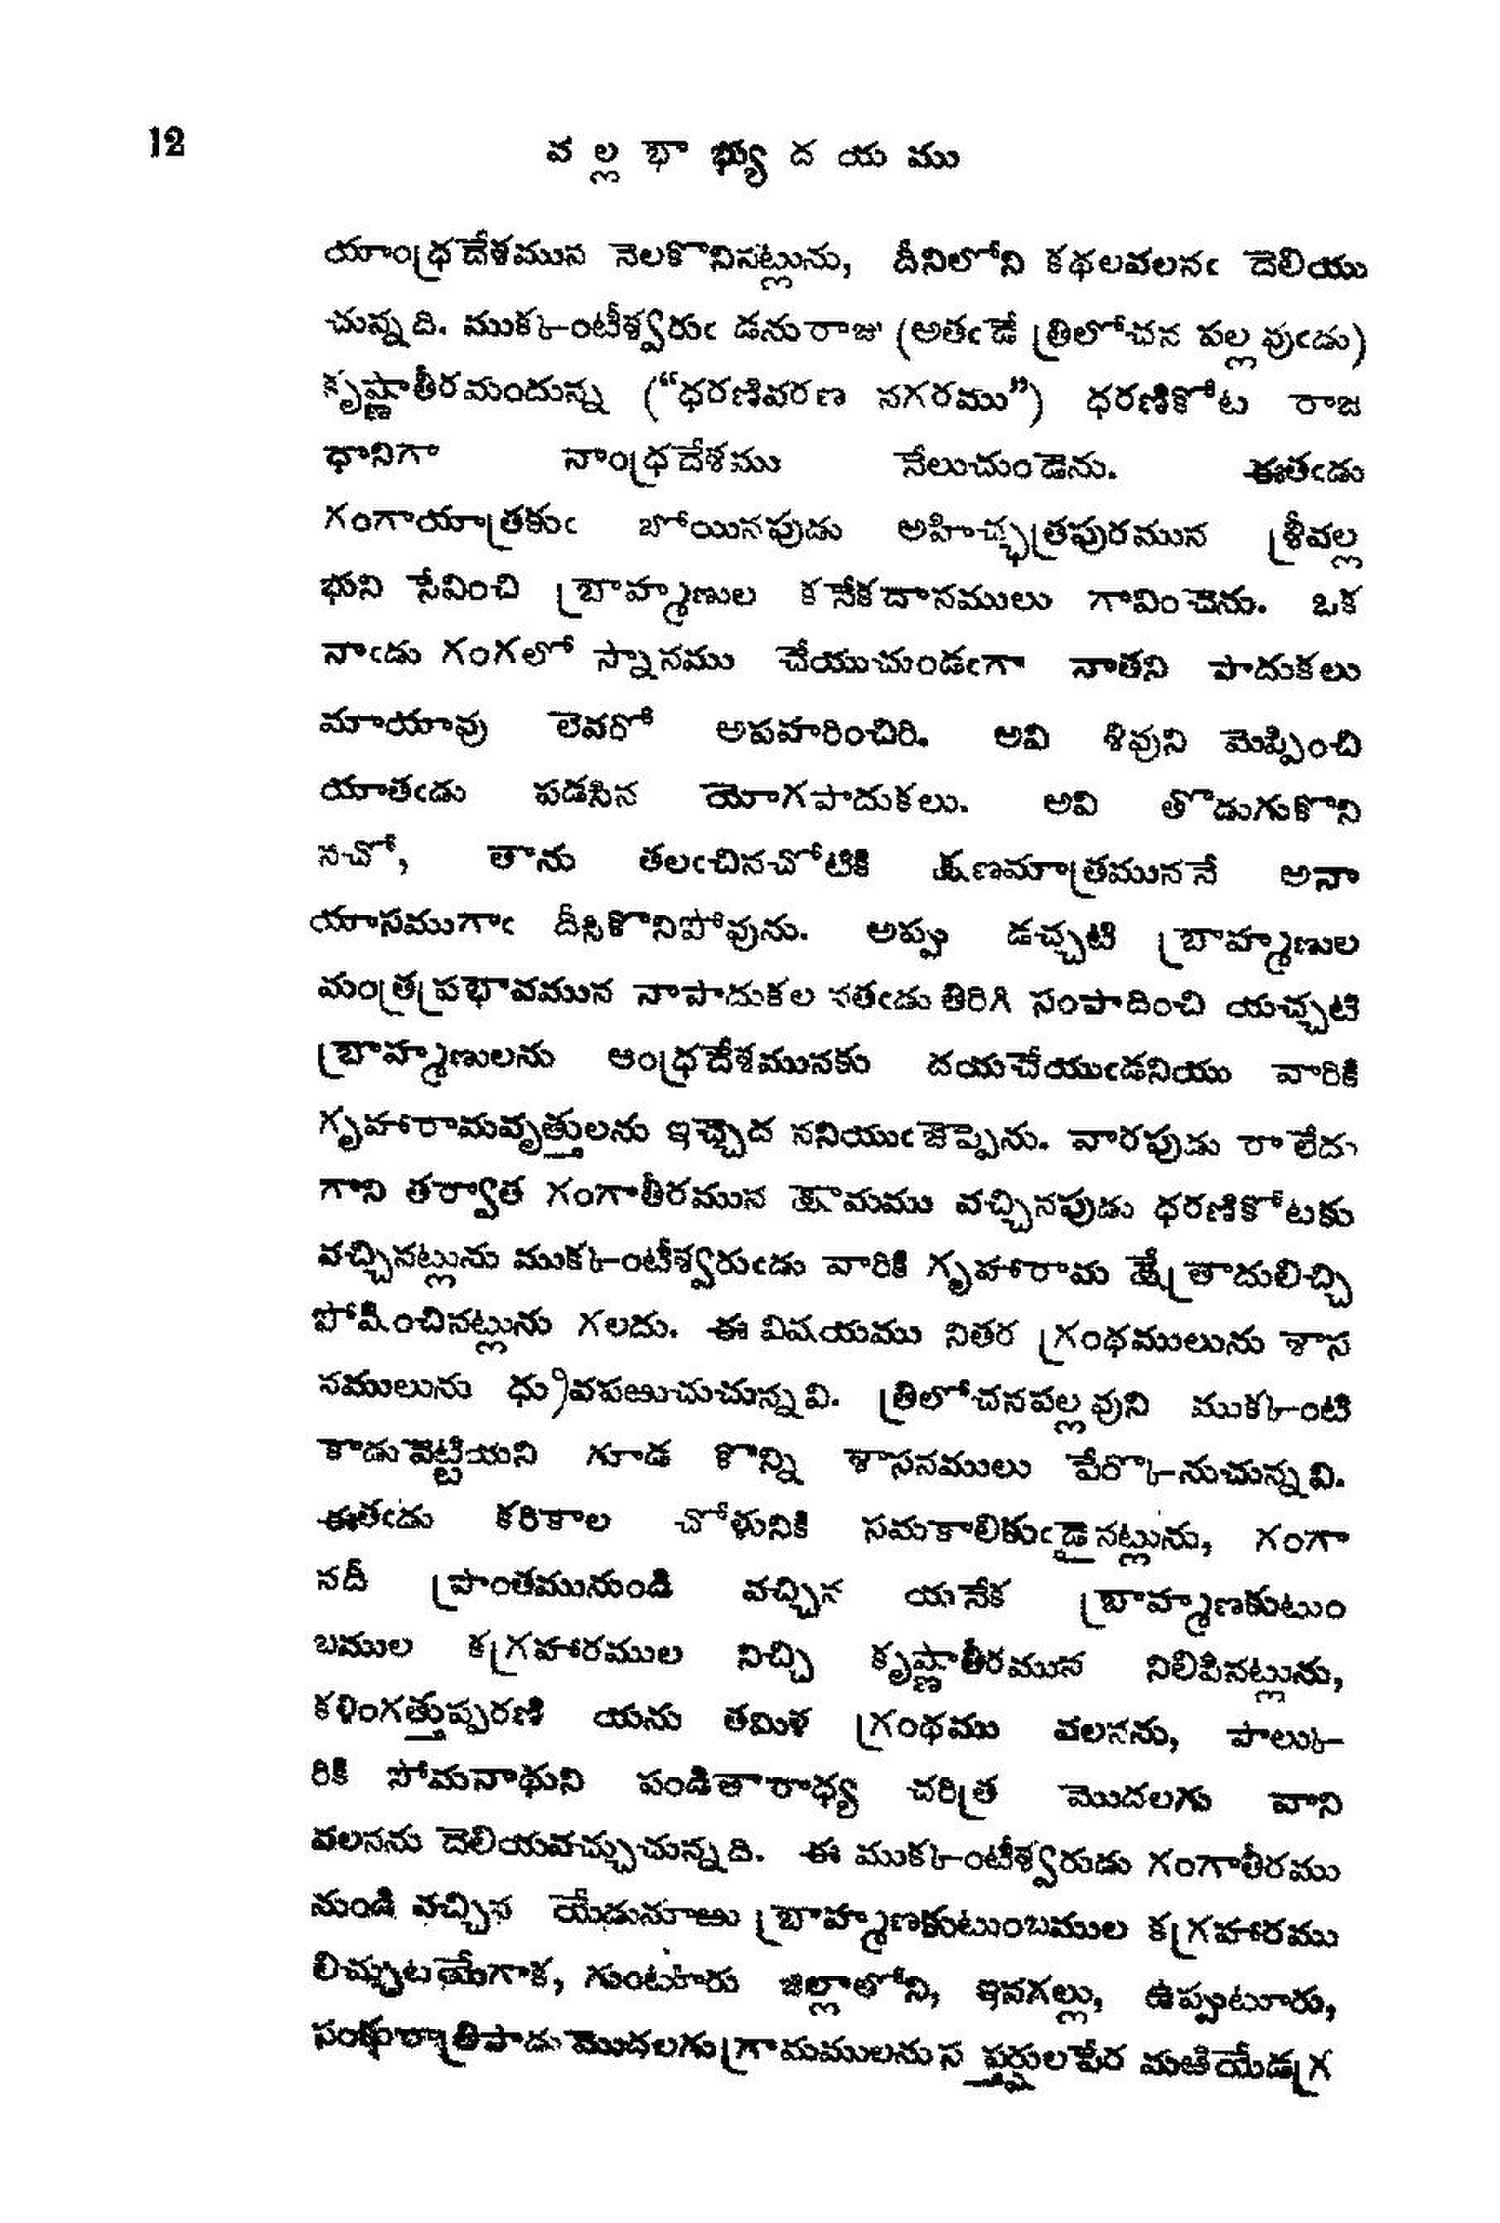యాంధ్రదేశమున నెలకొనినట్లును, దీనిలోని కథలవలనఁ దెలియు చున్నది. ముక్కంటీశ్వరుఁ డను రాజు (అతఁడే త్రిలోచన పల్లవుఁడు) కృష్ణాతీరమందున్న (“ధరణీవరణ నగరము”) ధరణికోట రాజధానిగా నాంధ్రదేశము నేలుచుండెను. ఈతఁడు గంగాయాత్రకుఁ బోయినపుడు అహిచ్ఛత్రపురమున శ్రీవల్లభుని సేవించి బ్రాహ్మణుల కనేకదానములు గావించెను. ఒకనాఁడు గంగలో స్నానము చేయుచుండఁగా నాతని పాదుకలు మాయావు లెవరో అపహరించిరి. అవి శివుని మెప్పించి
యాతఁడు పడసిన యోగపాదుకలు. అవి తొడుగుకొనినచో, తాను తలఁచినచోటికి క్షణమాత్రముననే అనాయాసముగాఁ దీసికొనిపోవును. అప్పు డచ్చటి బ్రాహ్మణుల మంత్రప్రభావమున నాపాదుకల నతఁడు తిరిగి సంపాదించి యచ్చటి
బ్రాహ్మణులను ఆంధ్రదేశమునకు దయచేయుఁడనియు వారికీ గృహారామవృత్తులను ఇచ్చెద ననియుఁ జెప్పెను. వారపుడు రాలేదు గాని తర్వాత గంగాతీరమున క్షామము వచ్చినపుడు ధరణికోటకు వచ్చినట్లును ముక్కంటీశ్వరుఁడు వారికి గృహారామ క్షేత్రాదులిచ్చి పోషించినట్లును గలదు. ఈ విషయము నితర గ్రంథములును శాసనములును ధ్రువపఱుచుచున్నవి. త్రిలోచన పల్లవుని ముక్కంటి కాడు వెట్టియని గూడ కొన్ని శాసనములు పేర్కొనుచున్నవి. ఈతఁడు కరికాల చోళునికి సమకాలికుఁడైనట్లును, గంగానదీ ప్రాంతమునుండి వచ్చిన యనేక బ్రాహ్మణకుటుంబముల కగ్రహారముల నిచ్చి కృష్ణాతీరమున నిలిపినట్లును, కళింగత్తుప్పరణి యను తమిళ గ్రంథము వలనను, పాల్కురికి సోమనాథుని పండితారాధ్య చరిత్ర మొదలగు వాని వలసను దెలియవచ్చుచున్నది. ఈ ముక్కంటీశ్వరుడు గంగాతీరము నుండి వచ్చిన యేడునూఱు బ్రాహ్మణకుటుంబముల కగ్రహారము లిచ్చుటయేగాక, గుంటూరు జిల్లాలోని, ఇనగల్లు, ఉప్పుటూరు, సంకురాత్రిపాడు మొదలగు గ్రామములను సప్తర్షుల పేర మఱి యేడగ్ర